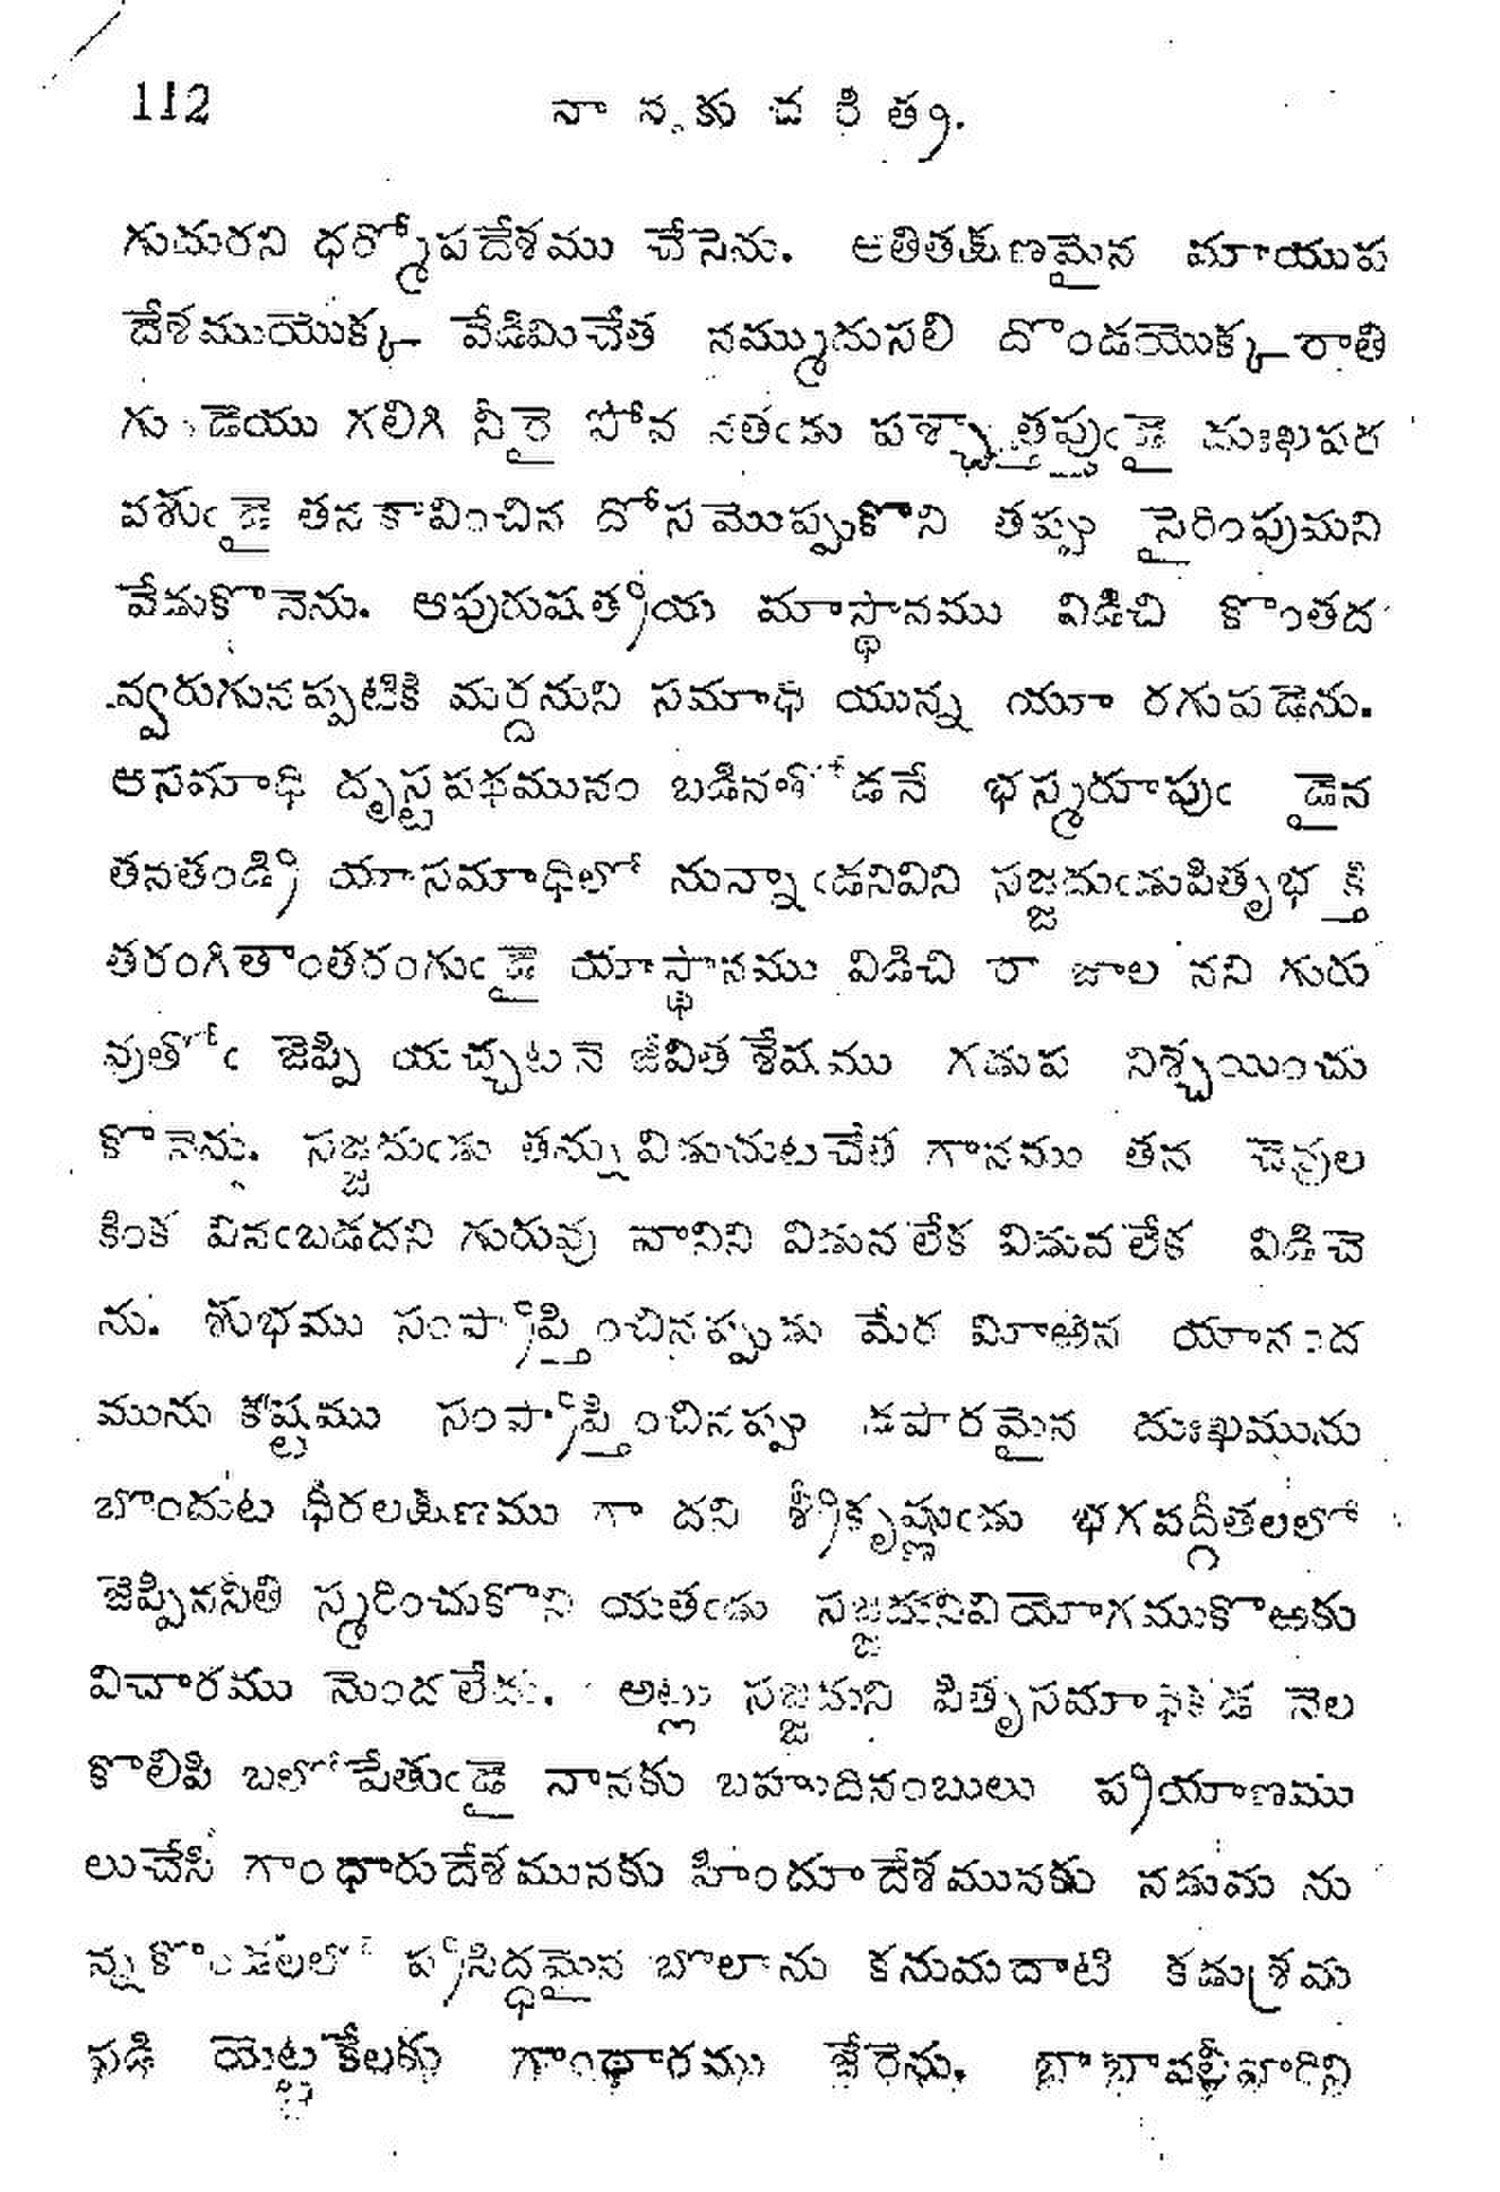గుదురని ధర్మోపదేశము చేసెను. అతితక్షణమైన మాయుపదేశముయొక్క వేడిమిచేత నమ్ముదుసలి దొండయొక్క రాతి గుండెయు గలిగి నీరై పోవ నతడు పశ్చాత్తప్తుడై దు:ఖపరవశుడై తన కావించిన దోసమొప్పుకొని తప్పు సైరింపుమని వేడుకొనెను. ఆపురుషత్రయ మాస్థానము విడిచి కొంతదవ్వరుగునప్పటికి మర్దనుని సమాధి యున్న యూ రగుపడెను. ఆసమాధి దృస్టపథమునం బడినతోడనే భస్మరూపు డైన తనతండ్రి యాసమాధిలో నున్నాడనివిని సజ్జదుడుపితృభక్తి తరంగితాంతరంగుడై యాస్థానము విడిచి రా జాల నని గురువుతో జెప్పి యచ్చటనె జీవిత శేషము గడుప నిశ్చయించుకొనెను. సజ్జదుడు తన్నువిడచుటచేత గానము తన చెవులకింక వినబడదని గురువు వానిని విడువలేక విడిచెను. శుభము సంప్రాప్తించినప్పుడు మేర మీఱిన యానందమును కష్టము సంప్రాప్తించినప్పుడు డపారమైన దు:ఖమును బొందుట ధీరలక్షణము గా దని శ్రీకృష్ణుడు భగవద్గీతలలో జెప్పిననీతి స్మరించుకొని యతడు సజ్జదునివియోగముకొఱకు విచారము నొందలేదు. అట్లు సజ్జదుని పితృసమాధికడ నెలకొలిపి బలోపేతుడై నానకు బహుదినంబులు ప్రయాణములుచేసి గాంధారుదేశమునకు హిందూదేశమునకు నడుమ నున్నకొండలలో ప్రసిద్ధమైన బొలాను కనుమదాటి కడుశ్రమపడి యెట్లకేలకు గాంథారము జేరెను. బాబావలీవారిని